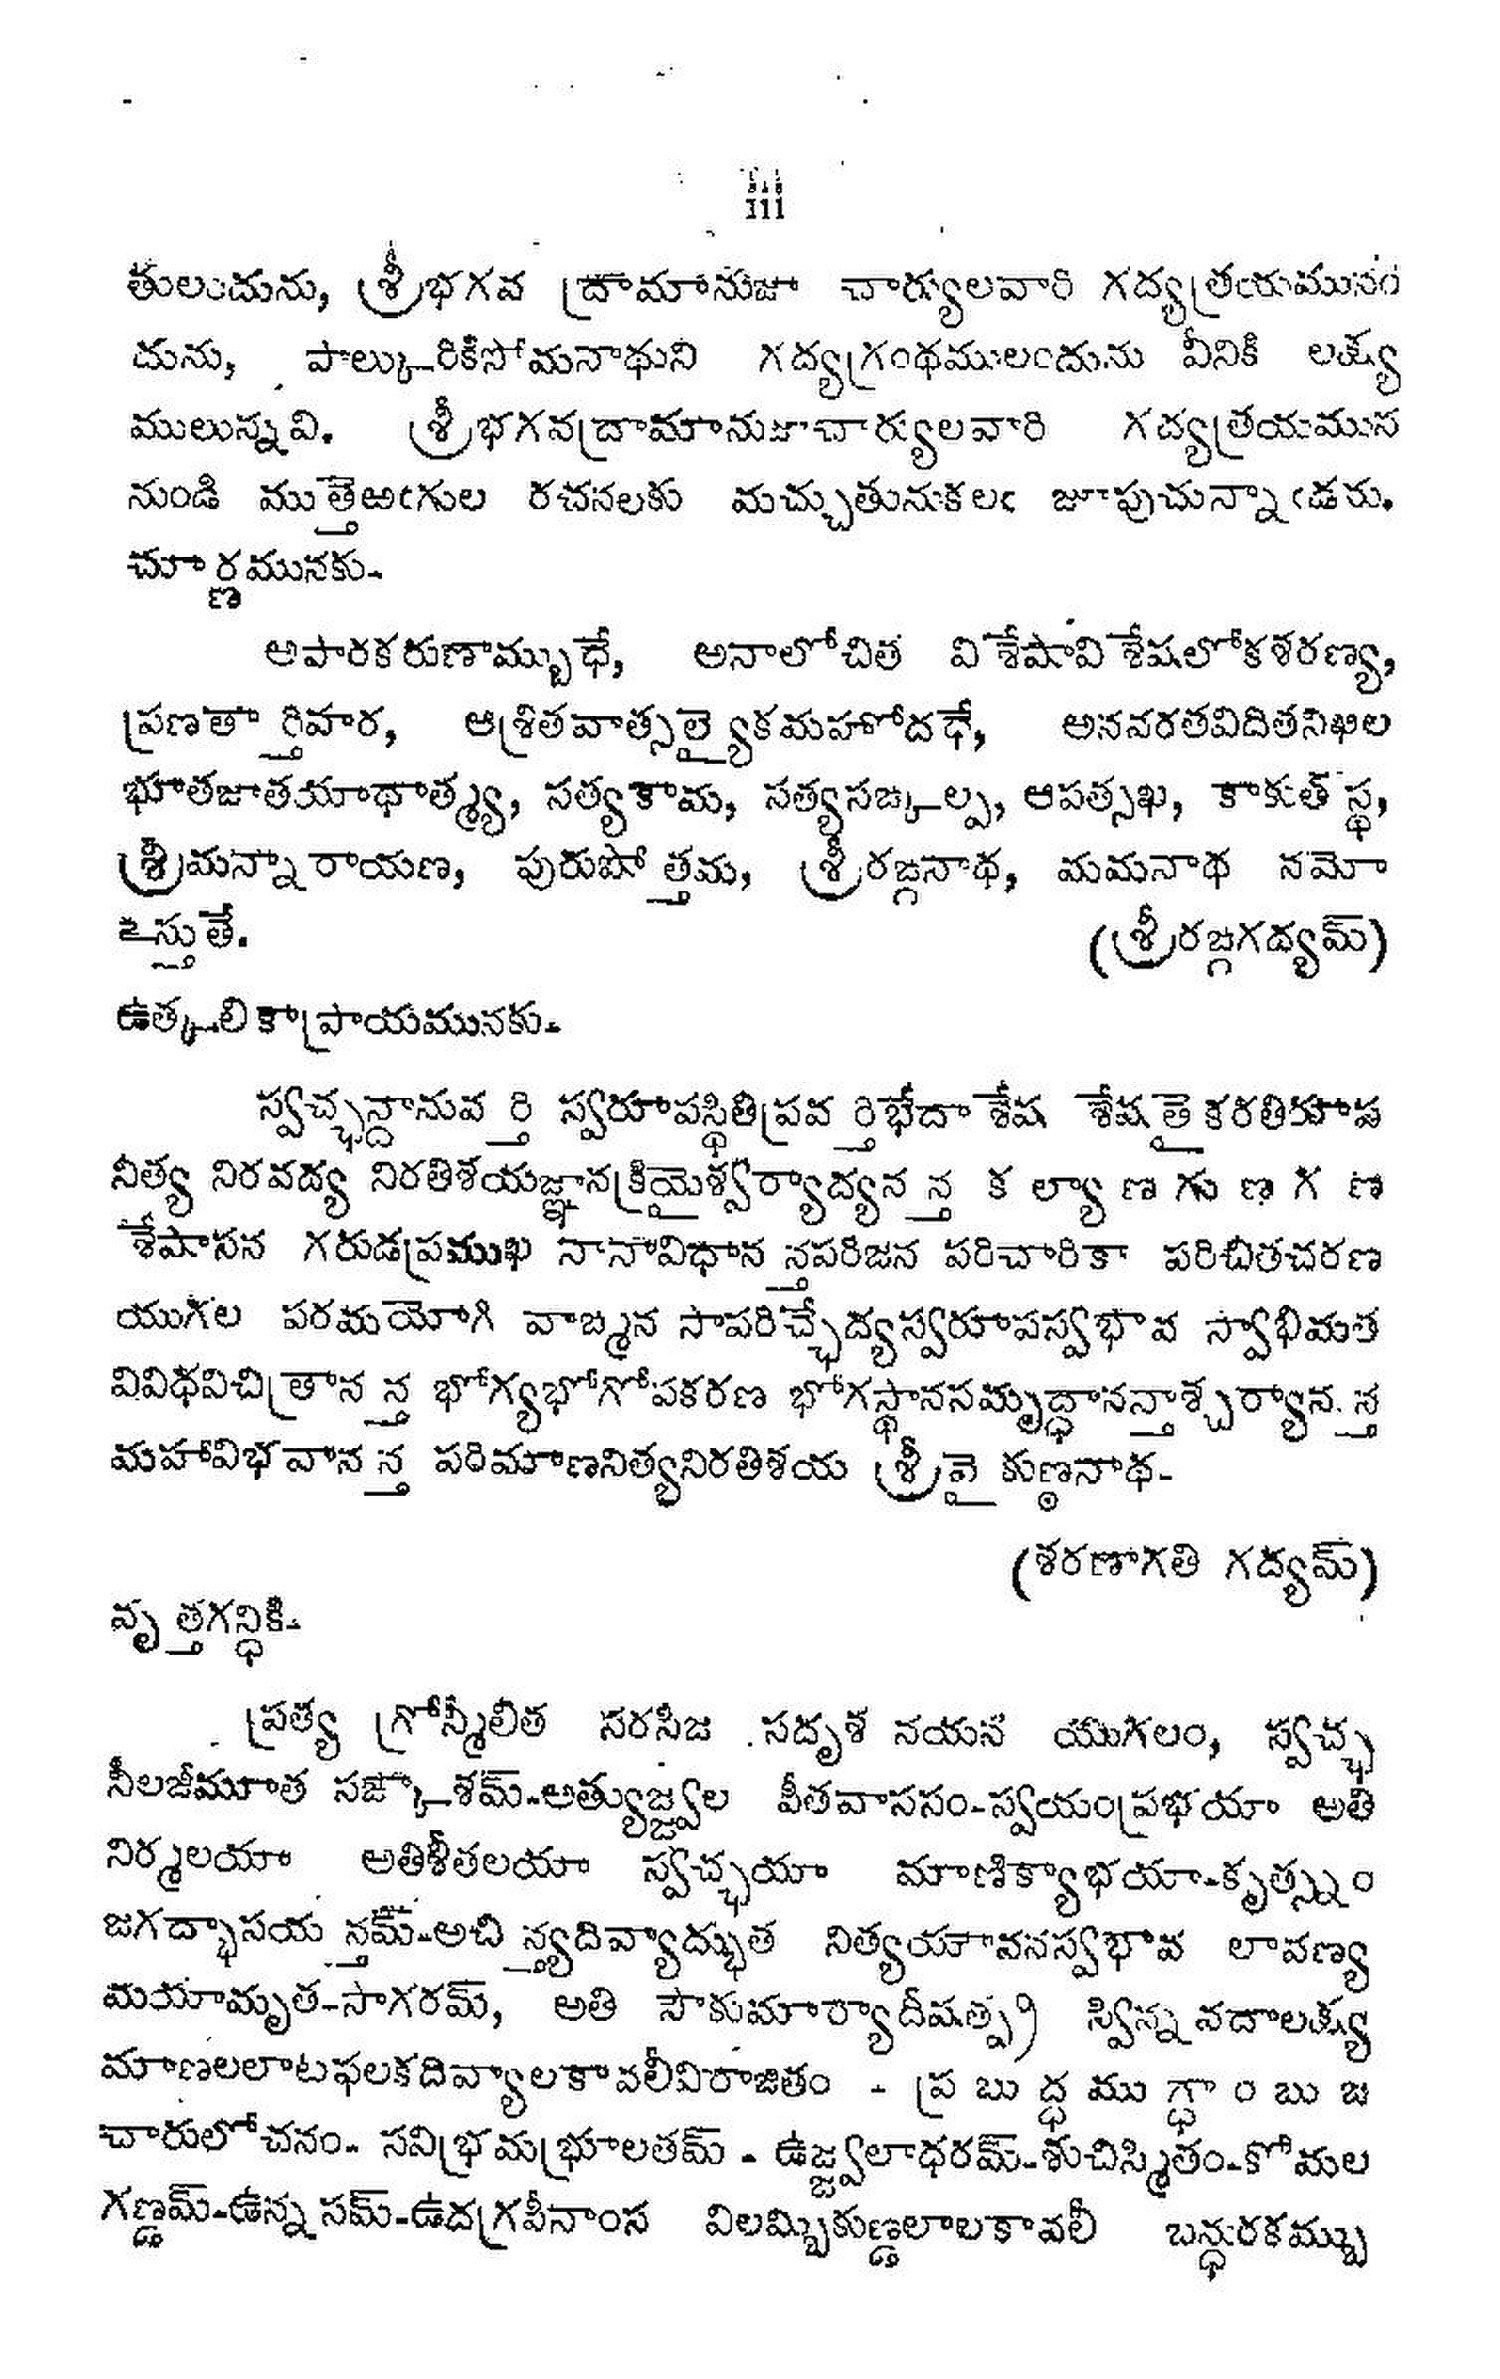తులుదును, శ్రీభగవ ద్రామానుజా చార్యులవారి గద్యత్రయమునందును, పాల్కురికిసోమనాథుని గద్య గ్రంథములందును వీనికి లక్ష్యములున్నవి. శ్రీభగవద్రామానుజాచార్యులవారి గద్యత్రయమున నుండి ముత్తెఱఁగుల రచనలకు మచ్చుతునుకలఁ జూపుచున్నాఁడను చూర్ణమునకు.

అపారకరుణామ్బుధే, అనాలోచిత విశేషావిశేషలోకశరణ్య, ప్రణతార్తిహర, ఆశ్రితవాత్సల్యైకమహోదధే, అనవరతవిదితనిఖిల భూతజాతయాథాత్మ్య, సత్యకామ, సత్యసఙ్కల్ప, ఆపత్సఖ, కాకుత్ స్థ, శ్రీమన్నారాయణ, పురుషోత్తమ, శ్రీరఙ్గనాథ, మమనాథ నమోఽస్తుతే.
(శ్రీరఙ్గగద్యమ్)

ఉత్కలికాప్రాయమునకు.

స్వచ్ఛన్దానువర్తి స్వరూపస్థితిప్రవర్తిభేదా శేష శేషతైకరతిరూప నిత్య నిరవద్య నిరతిశయజ్ఞానక్రియైశ్వర్యాద్యనన్త క ల్యా ణ గు ణ గ ణ శేషాసన గరుడప్రముఖ నానావిధానన్తపరిజన పరిచారికా పరిచితచరణ యుగల పరమయోగి వాఙ్మన సాపరిచ్ఛేద్యస్వరూపస్వభావ స్వాభిమత వివిధవిచిత్రానన్త భోగ్యభోగోపకరణ భోగస్థానసమృద్ధానన్తాశ్చర్యానన్త మహావిభవానన్త పరిమాణనిత్యనిరతిశయ శ్రీవైకుణ్ఠనాథ-
(శరణాగతి గద్యమ్)
 

వృత్తగన్దికి. 

ప్రత్య గ్రోన్మీలిత సరసిజ సదృశ నయన యుగలం, స్వచ్ఛ నీలజీమూత సఙ్కాశమ్ అత్యుజ్జ్వల పీతవాససం-స్వయంప్రభయా అతి నిర్మలయా అతిశీతలయా స్వచ్ఛయా మాణిక్యాభయాకృత్స్నం జగద్భాసయన్తమ్ అచిన్త్యదివ్యాద్భుత నిత్యయౌవనస్వభావ లావణ్యమయామృత-సాగరమ్, అతి సౌకుమార్యాదీషత్ప్ర స్విన్నవదాలక్ష్య మాణలలాటఫలకదివ్యాలకావలీవిరాజితం - ప్ర బు ద్ధ ము గ్ధా ం బు జ చారులోచనం. సనిభ్రమభ్రూలతమ్. ఉజ్జ్వలాధరమ్ శుచిస్మితం కోమల గణ్డమ్ ఉన్న సమ్ ఉదగ్రపీనాంస విలమ్బికుణ్డలాలకావలీ బన్ధురకమ్బు